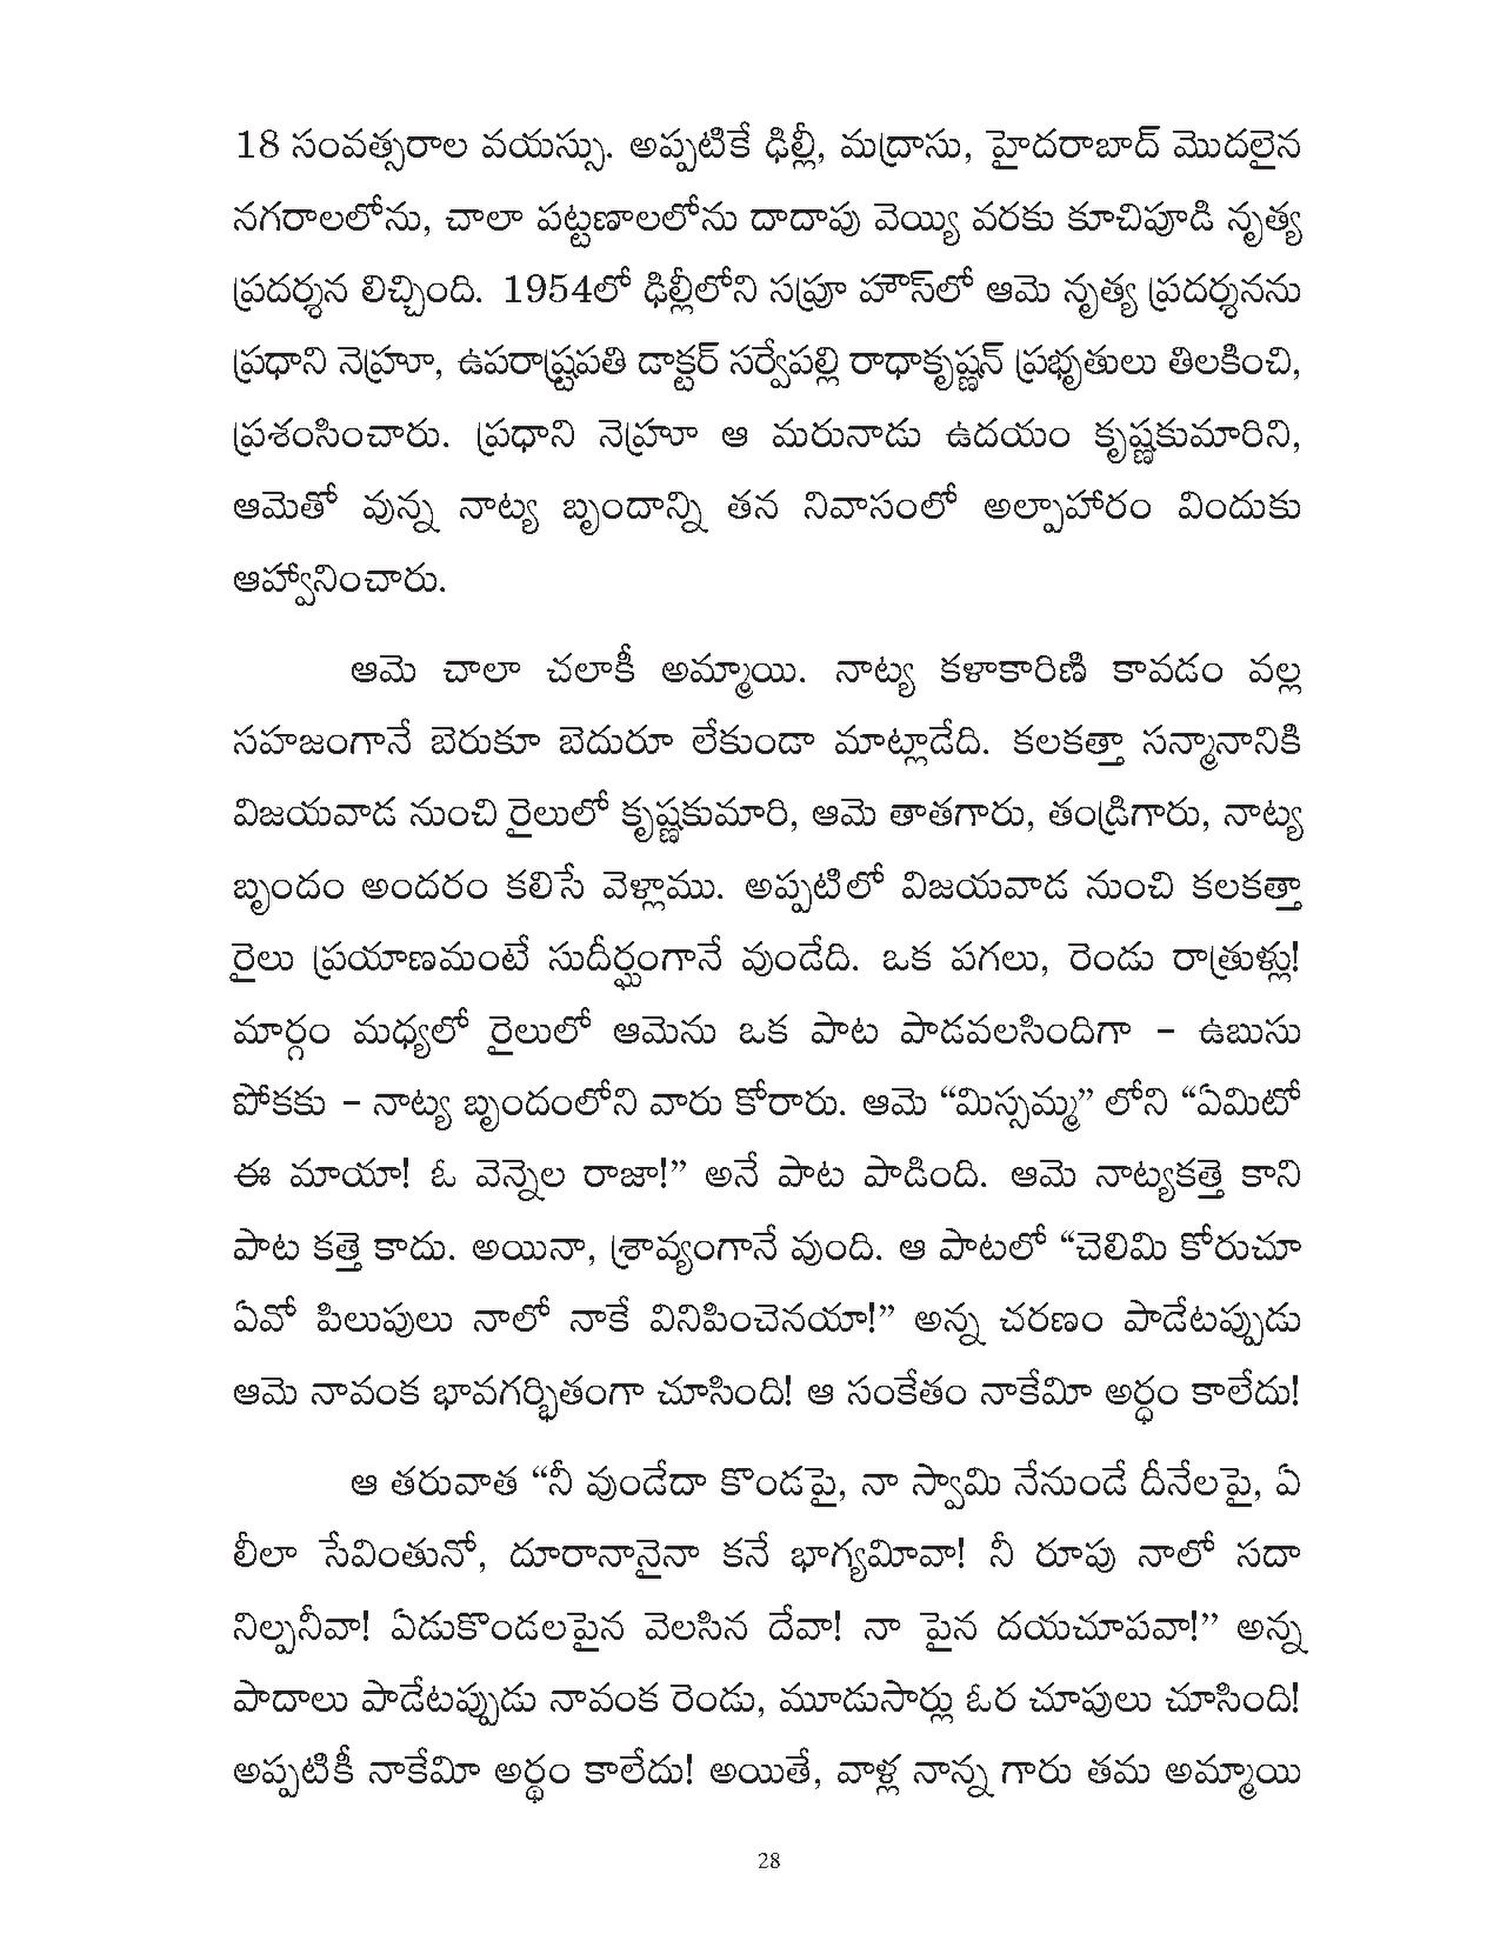18 సంవత్సరాల వయస్సు. అప్పటికే ఢిల్లీ, మద్రాసు, హైదరాబాద్‌ మొదలైన
నగరాలలోను, చాలా పట్టణాలలోను దాదాపు వెయ్యి వరకు కూచిపూడి నృత్య
ప్రదర్శన లిచ్చింది. 1954లో ఢిల్లీలోని సప్రూ హౌస్‌లో ఆమె నృత్య ప్రదర్శనను
ప్రధాని నెహ్రూ, ఉపరాష్ట్రపతి డాక్టర్ సర్వేపల్లి రాధాకృష్ణన్‌ ప్రభృతులు తిలకించి,
ప్రశంసించారు. ప్రధాని నెహ్రూ ఆ మరునాడు ఉదయం కృష్ణకుమారిని,
ఆమెతో వున్న నాట్య బృందాన్ని తన నివాసంలో అల్పాహారం విందుకు
ఆహ్వానించారు.

ఆమె చాలా చలాకీ అమ్మాయి. నాట్య కళాకారిణి కావడం వల్ల
సహజంగానే బెరుకూ బెదురూ లేకుండ మాట్లాడేది. కలకత్తా సన్మానానికి
విజయవాడ నుంచి రైలులో కృష్ణకుమారి, ఆమె తాతగారు, తండ్రిగారు, నాట్య
బృందం అందరం కలిసే వెళ్లాము. అప్పటిలో విజయవాడ నుంచి కలకత్తా
రైలు ప్రయాణమంటే సుదీర్ఘంగానే వుండేది. ఒక పగలు, రెండు రాత్రుళ్లు!
మార్గం మధ్యలో రైలులో ఆమెను ఒక పాట పాడవలసిందిగా - ఉబుసు
పోకకు - నాట్య బృందంలోని వారు కోరారు. ఆమె "మిస్సమ్మ" లోని "ఏమిటో
ఈ మాయా! ఓ వెన్నెల రాజా!" అనే పాట పాడింది. ఆమె నాట్యకత్తె కాని
పాట కత్తె కాదు. అయినా, శ్రావ్యంగానే వుంది. ఆ పాటలో "చెలిమి కోరుచూ
ఏవో పిలుపులు నాలో నాకే వినిపించెనయా!" అన్న చరణం పాడేటప్పుడు
ఆమె నావంక భావగర్భితంగా చూసింది! ఆ సంకేతం నాకేమీ అర్ధం కాలేదు!

ఆ తరువాత "నీ వుండేదా కొండపై, నా స్వామి నేనుండే దీనేలపై, ఏ
లీలా సేవింతునో, దూరానానైనా కనే భాగ్యమీవా! నీ రూపు నాలో సదా
నిల్పనీవా! ఏడుకొండలపైన వెలసిన దేవా! నా పైన దయచూపవా!" అన్న
పాదాలు పాడేటప్పుడు నావంక రెండు, మూడుసార్లు ఓర చూపులు చూసింది!
అప్పటికీ నాకేమీ అర్థ కాలేదు! అయితే, వాళ్ల నాన్న గారు తమ అమ్మాయి